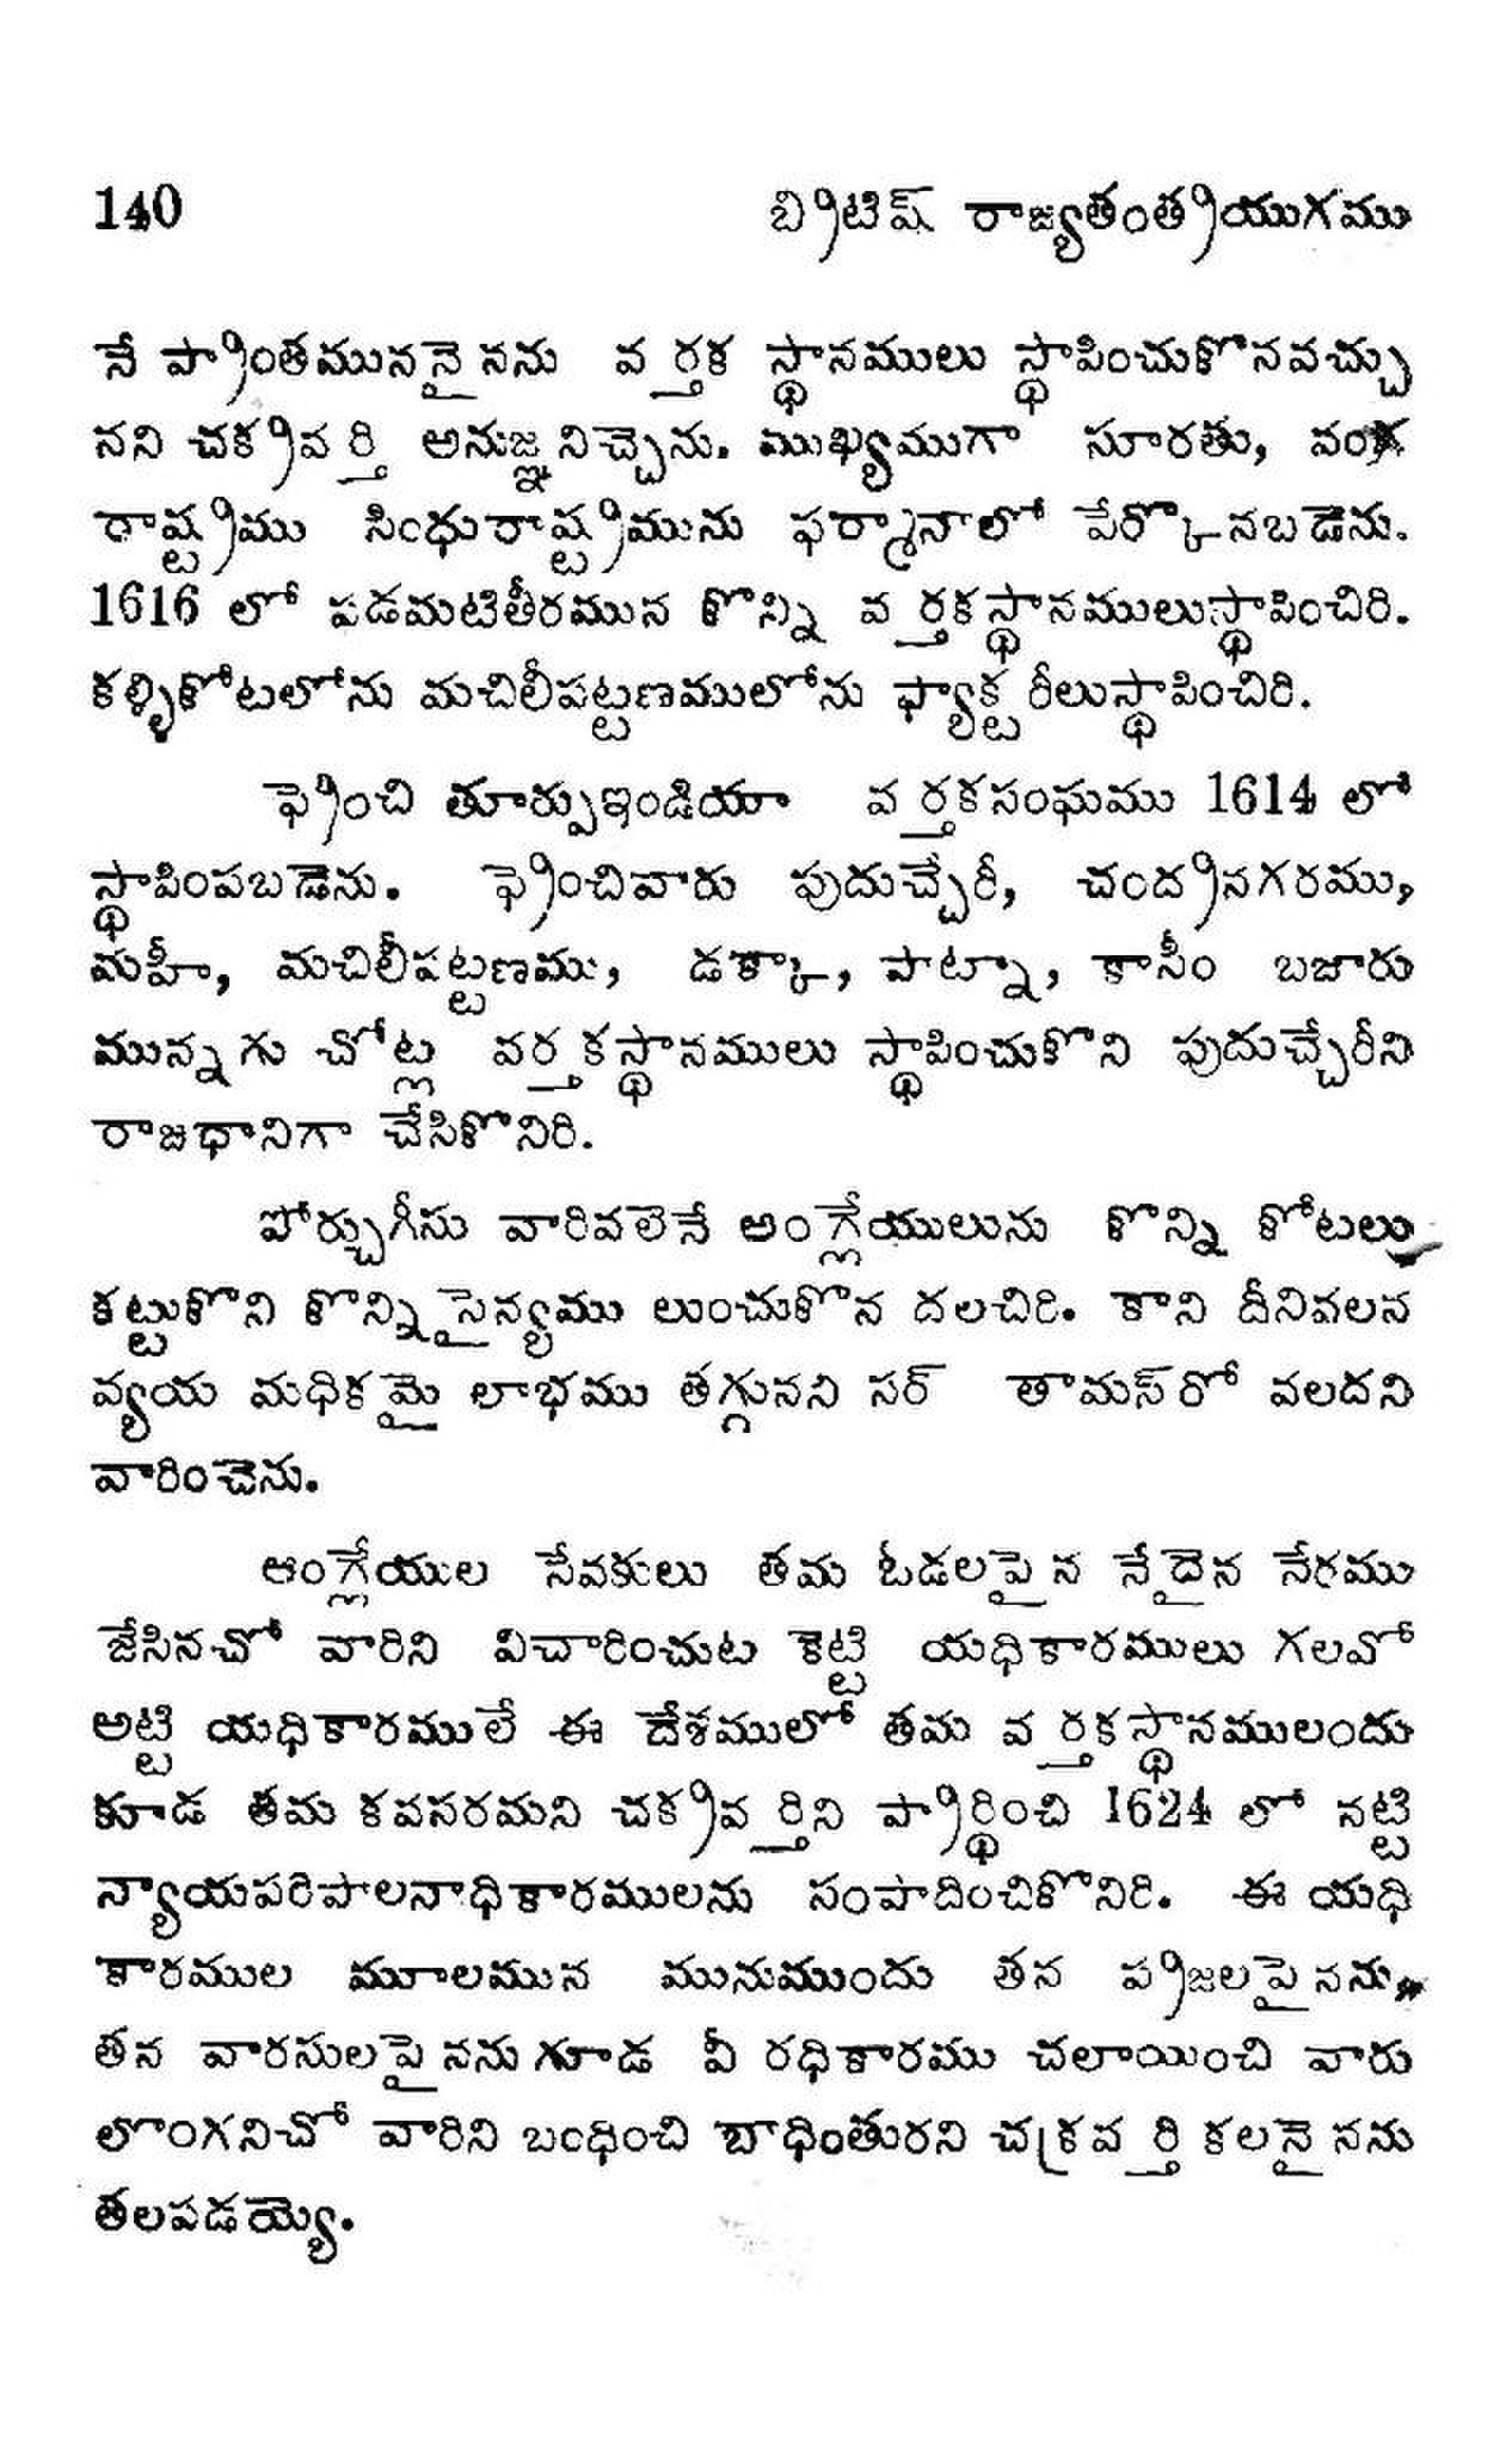నే ప్రాంతముననైనను వర్తక స్థానములు స్థాపించుకొనవచ్చునని చక్రవర్తి అనుజ్ఞ నిచ్చెను. ముఖ్యముగా సూరతు, వంగరాష్ట్రము సింధురాష్ట్రమును ఫర్మానాలో పేర్కొనబడెను. 1616 లో పడమటితీరమున కొన్ని వర్తకస్థానములు స్థాపించిరి. కళ్ళికోటలోను మచిలీపట్టణములోను ఫ్యాక్టరీలు స్థాపించిరి.

ఫ్రెంచి తూర్పుఇండియా వర్తకసంఘము 1614 లో స్థాపింపబడెను. ఫ్రెంచివారు పుదుచ్చేరీ, చంద్రనగరము, మహీ, మచిలీపట్టణము, డక్కా, పాట్నా, కాసీం బజారు మున్నగు చోట్ల వర్తకస్థానములు స్థాపించుకొని పుదుచ్చేరీని రాజధానిగా చేసికొనిరి.

పోర్చుగీసు వారివలెనే అంగ్లేయులును కొన్ని కోటలు, కట్టుకొని కొన్నిసైన్యము లుంచుకొన దలచిరి. కాని దీనివలన వ్యయ మధికమై లాభము తగ్గునని సర్ తామస్‌రో వలదని వారించెను.

ఆంగ్లేయుల సేవకులు తమ ఓడలపైన నేదైన నేరము జేసినచో వారిని విచారించుట కెట్టి యధికారములు గలవో అట్టి యధికారములే ఈ దేశములో తమ వర్తకస్థానములందు కూడ తమ కవసరమని చక్రవర్తిని ప్రార్ధించి 1624 లో నట్టి న్యాయపరిపాలనాధికారములను సంపాదించికొనిరి. ఈయధికారముల మూలమున మునుముందు తన ప్రజలపైనను. తన వారసులపైననుగూడ వీ రధికారము చలాయించి వారు లొంగనిచో వారిని బంధించి బాధింతురని చక్రవర్తి కలనైనను
తలపడయ్యె.